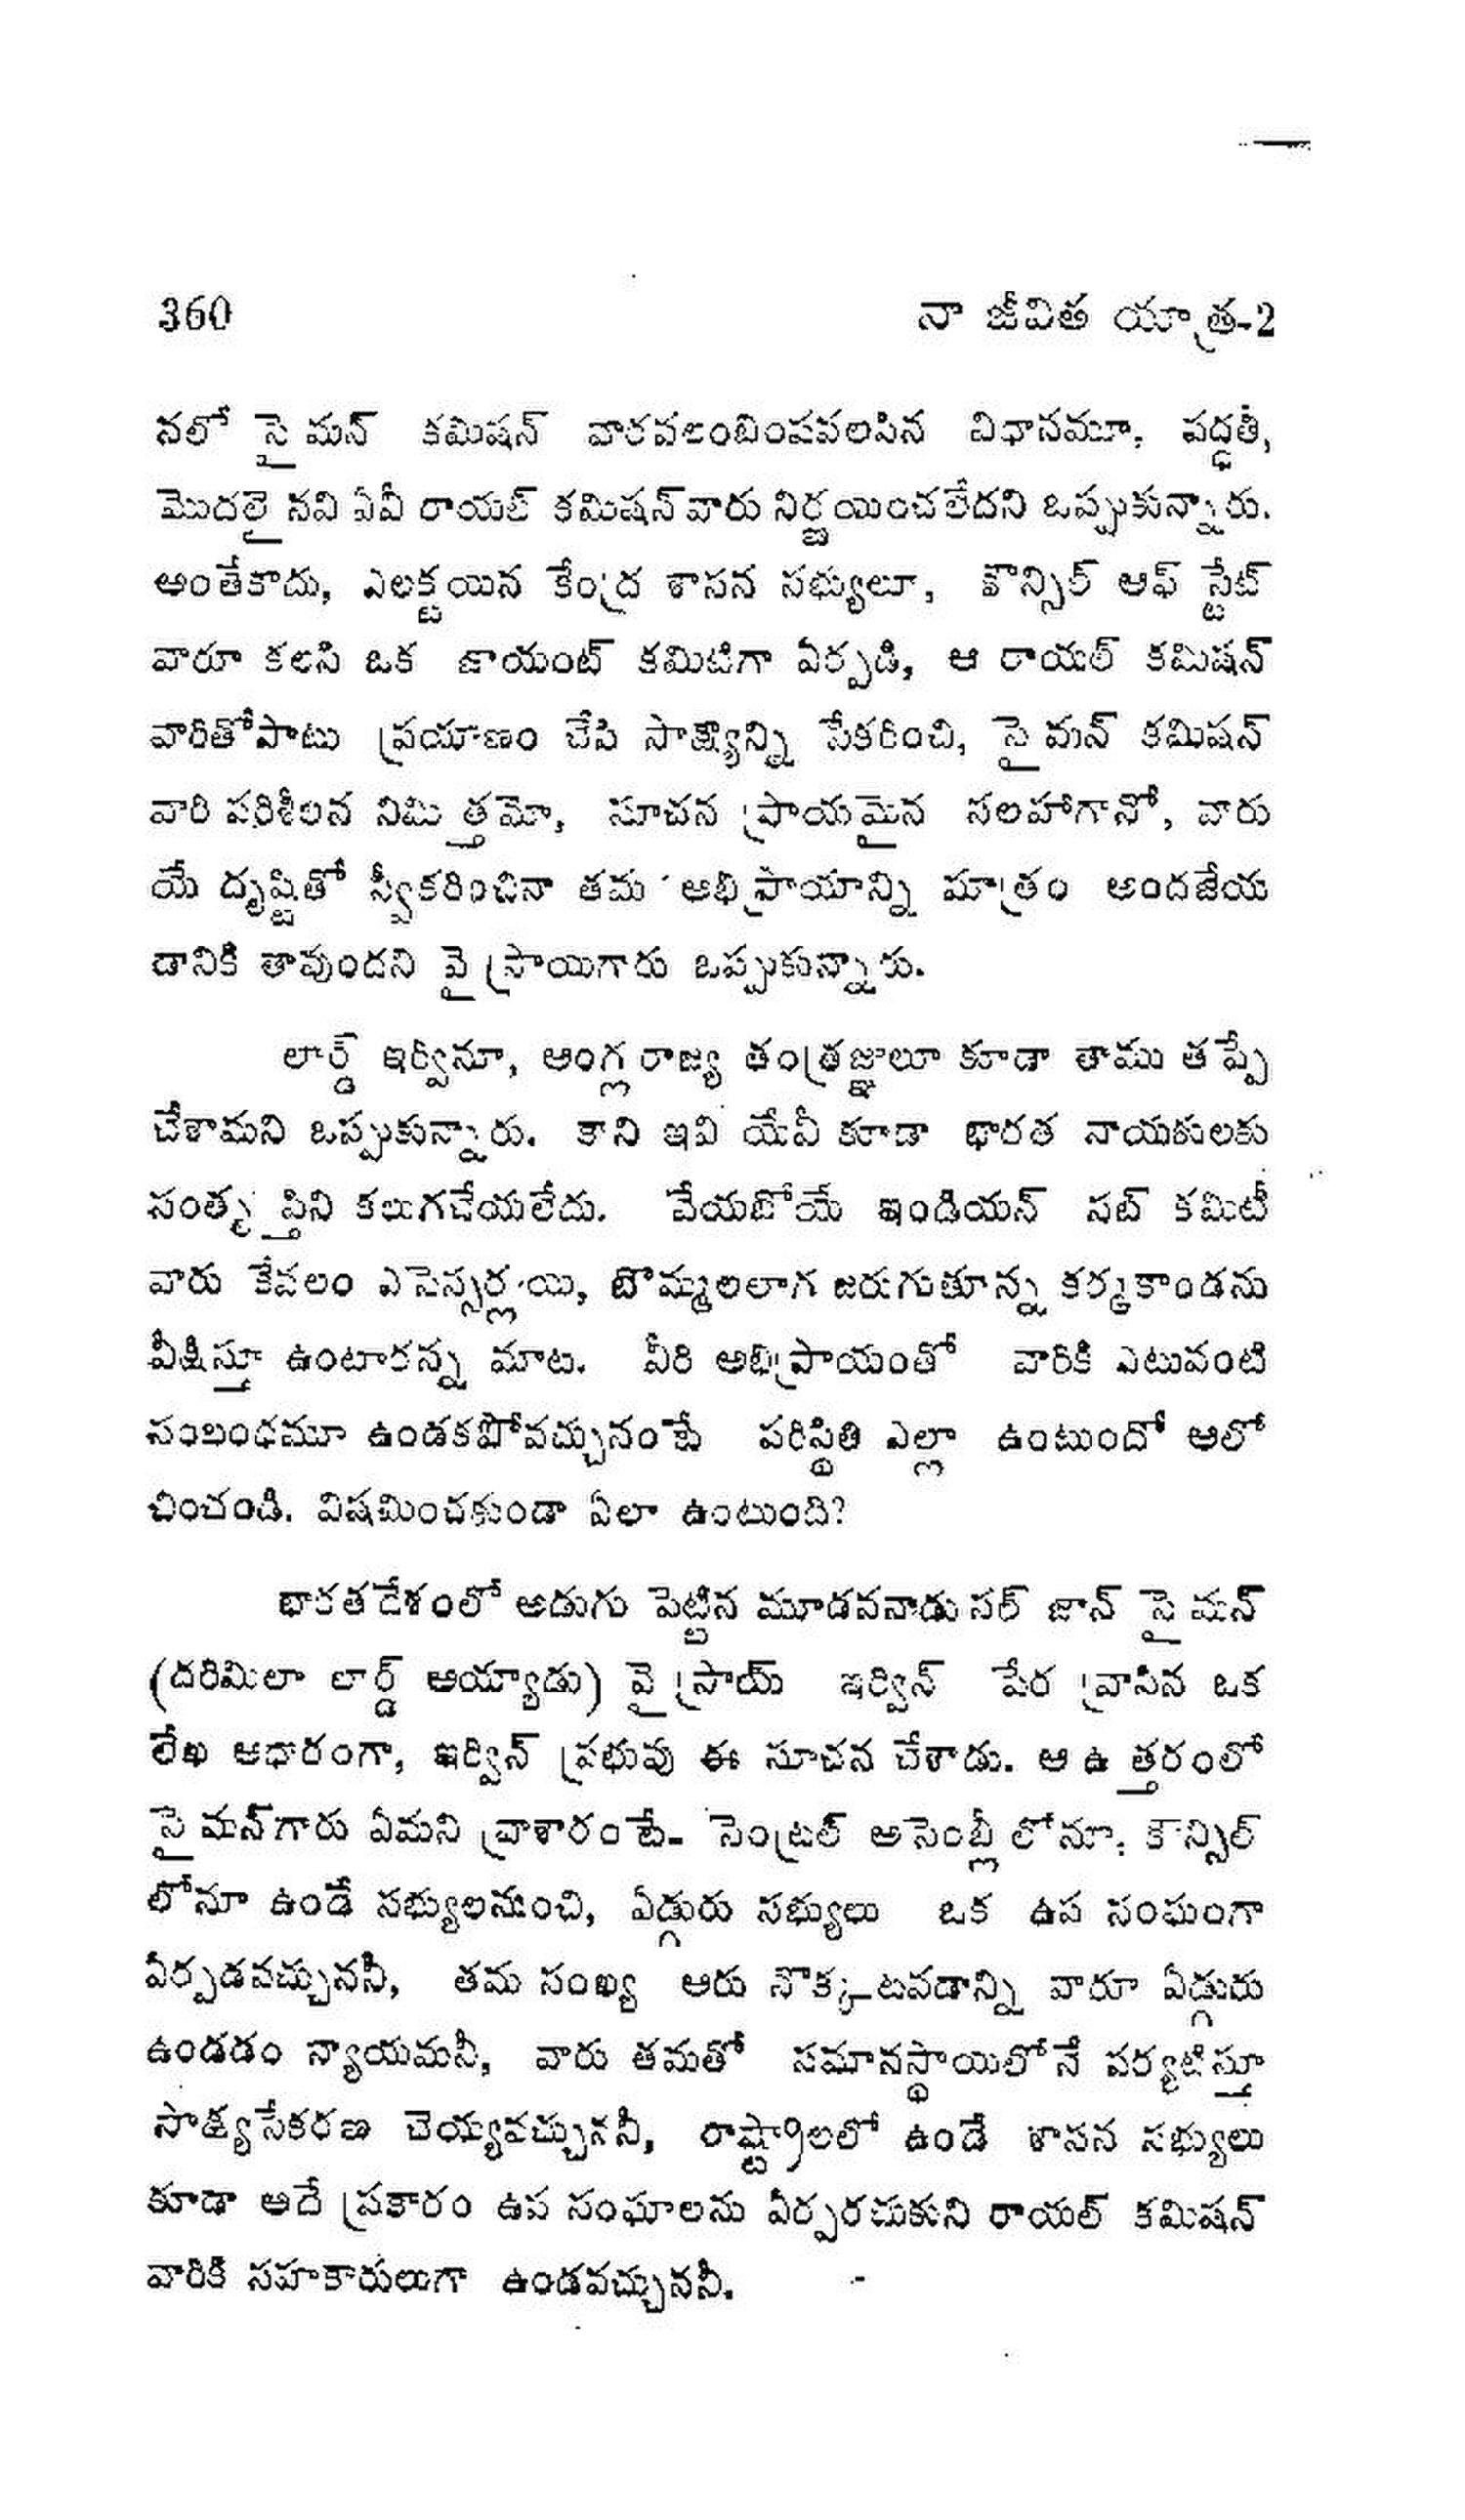వలో సైమస్ కమిషన్ వారవలంబింపవలసిన విధానమూ, పద్ధతీ, మొదలైనవి ఏవీ రాయల్ కమిషన్ వారు నిర్ణయించలేదని ఒప్పుకున్నారు. అంతేకాదు, ఎలక్టయిన కేంద్ర శాసన సభ్యులూ, కౌన్సిల్ ఆఫ్ స్టేట్ వారూ కలసి ఒక జాయింట్ కమిటీగా ఏర్పడి, ఆ రాయల్ కమిషన్ వారితోపాటు ప్రయాణం చేసి సాక్ష్యాన్ని సేకరించి, సైమన్ కమిషన్ వారి పరిశీలన నిమిత్తమో, సూచన ప్రాయమైన సలహాగానో, వారు యే దృష్టితో స్వీకరించినా తమ అభిప్రాయాన్ని మాత్రం అందజేయడానికి తావుందని వైస్రాయిగారు ఒప్పుకున్నారు.

లార్డ్ ఇర్వినూ, ఆంగ్ల రాజ్య తంత్రజ్ఞులూ కూడా తాము తప్పేచేశామని ఒప్పుకున్నారు. కాని ఇవి యేవీ కూడా భారత నాయకులకు సంతృప్తిని కలుగచేయలేదు. వేయబోయే ఇండియన్ సబ్ కమిటీ వారు కేవలం ఎసెస్సర్లయి, బొమ్మలలాగ జరుగుతూన్న కర్మకాండను వీక్షిస్తూ ఉంటారన్న మాట. వీరి అభిప్రాయంతో వారికి ఎటువంటి సంబంధమూ ఉండకపోవచ్చునంటే పరిస్థితి ఎల్లా ఉంటుందో ఆలోచించండి. విషమించకుండా ఏలా ఉంటుంది?

భారతదేశంలో అడుగు పెట్టిన మూడవనాడు సర్ జాన్ సైమన్ (దరిమిలా లార్డ్ అయ్యాడు) వైస్రాయ్ ఇర్విన్ పేర వ్రాసిన ఒక లేఖ ఆధారంగా, ఇర్విన్ ప్రభువు ఈ సూచన చేశాడు. ఆ ఉత్తరంలో సైమన్‌గారు ఏమని వ్రాశారంటే, సెంట్రల్ అసెంబ్లీ లోనూ, కౌన్సిల్‌ లోనూ ఉండే సభ్యులనుంచి, ఏడ్గురు సభ్యులు ఒక ఉప సంఘంగా ఏర్పడవచ్చుననీ, తమ సంఖ్య ఆరు నొక్కటవడాన్ని వారూ ఏడ్గురు ఉండడం న్యాయమనీ, వారు తమతో సమానస్థాయిలోనే పర్యటిస్తూ సాక్ష్యసేకరణ చెయ్యవచ్చుననీ, రాష్ట్రాలలో ఉండే శాసన సభ్యులు కూడా అదే ప్రకారం ఉప సంఘాలను ఏర్పరచుకుని రాయల్ కమిషన్ వారికి సహకారులుగా ఉండ వచ్చుననీ.